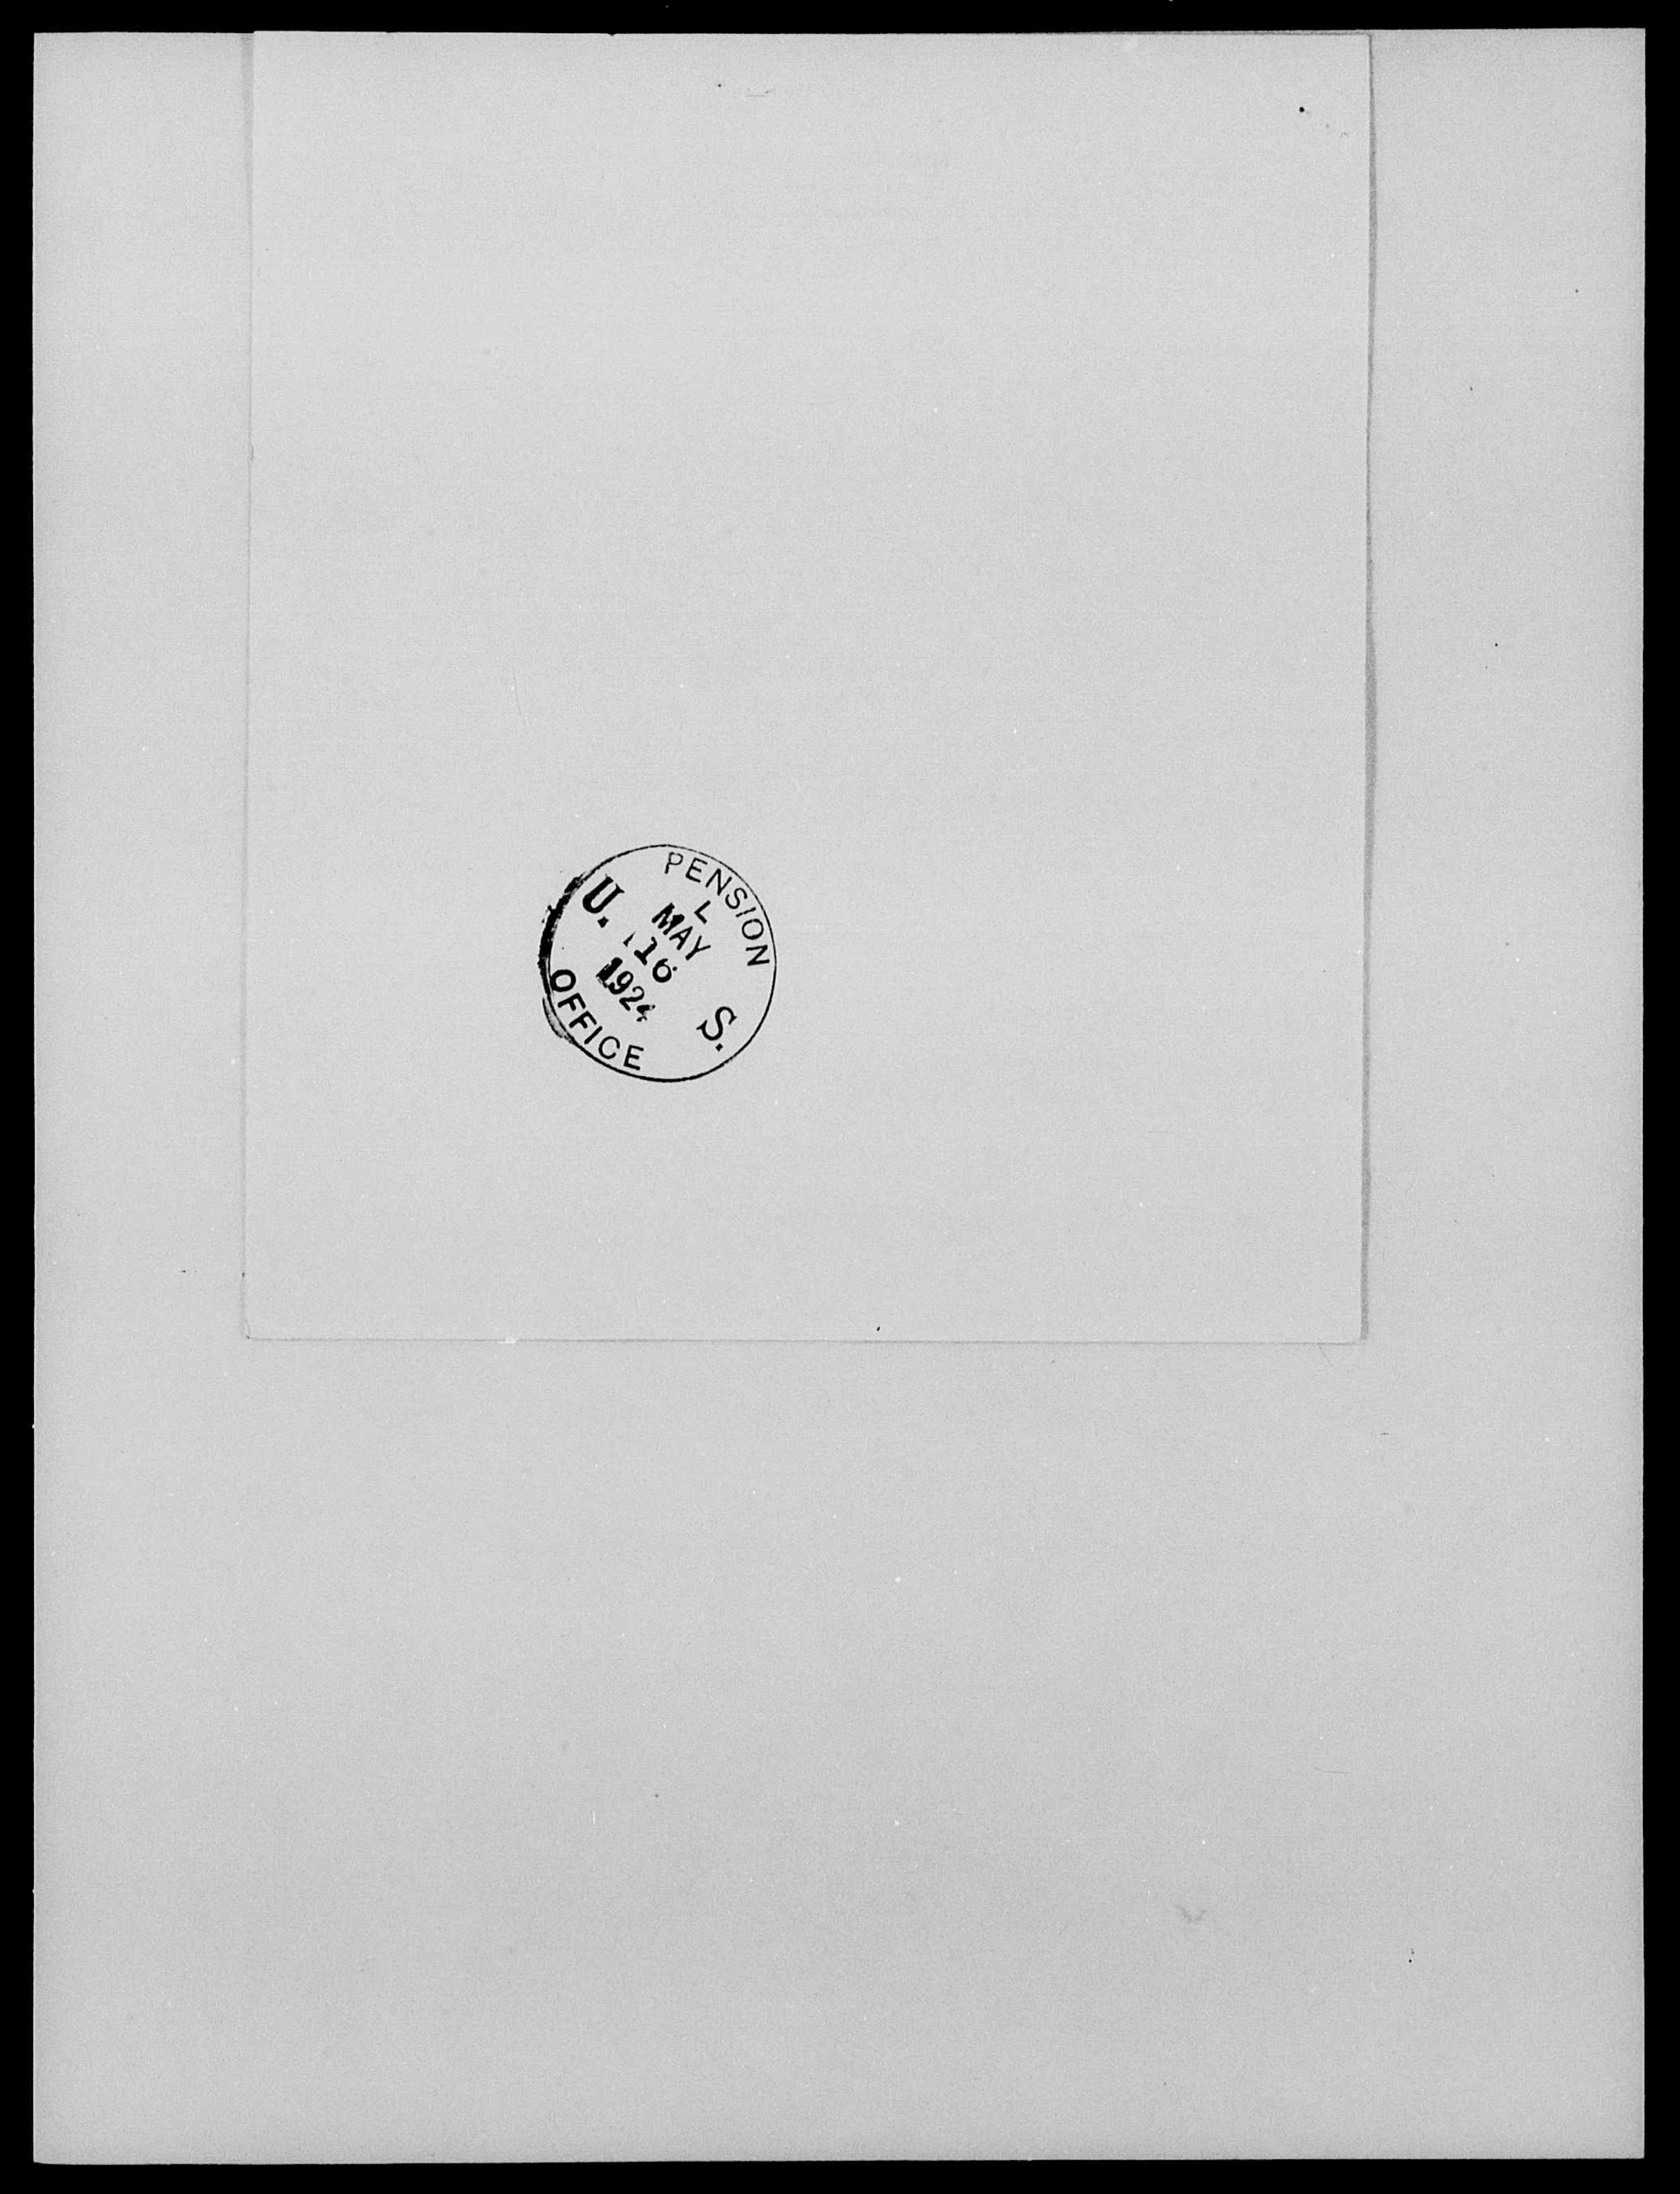Seal

PENSION OFFICE
May 16 1924
U.S.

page: 15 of 40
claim: widow's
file: W. 16058, for George Potter, Rhode Island